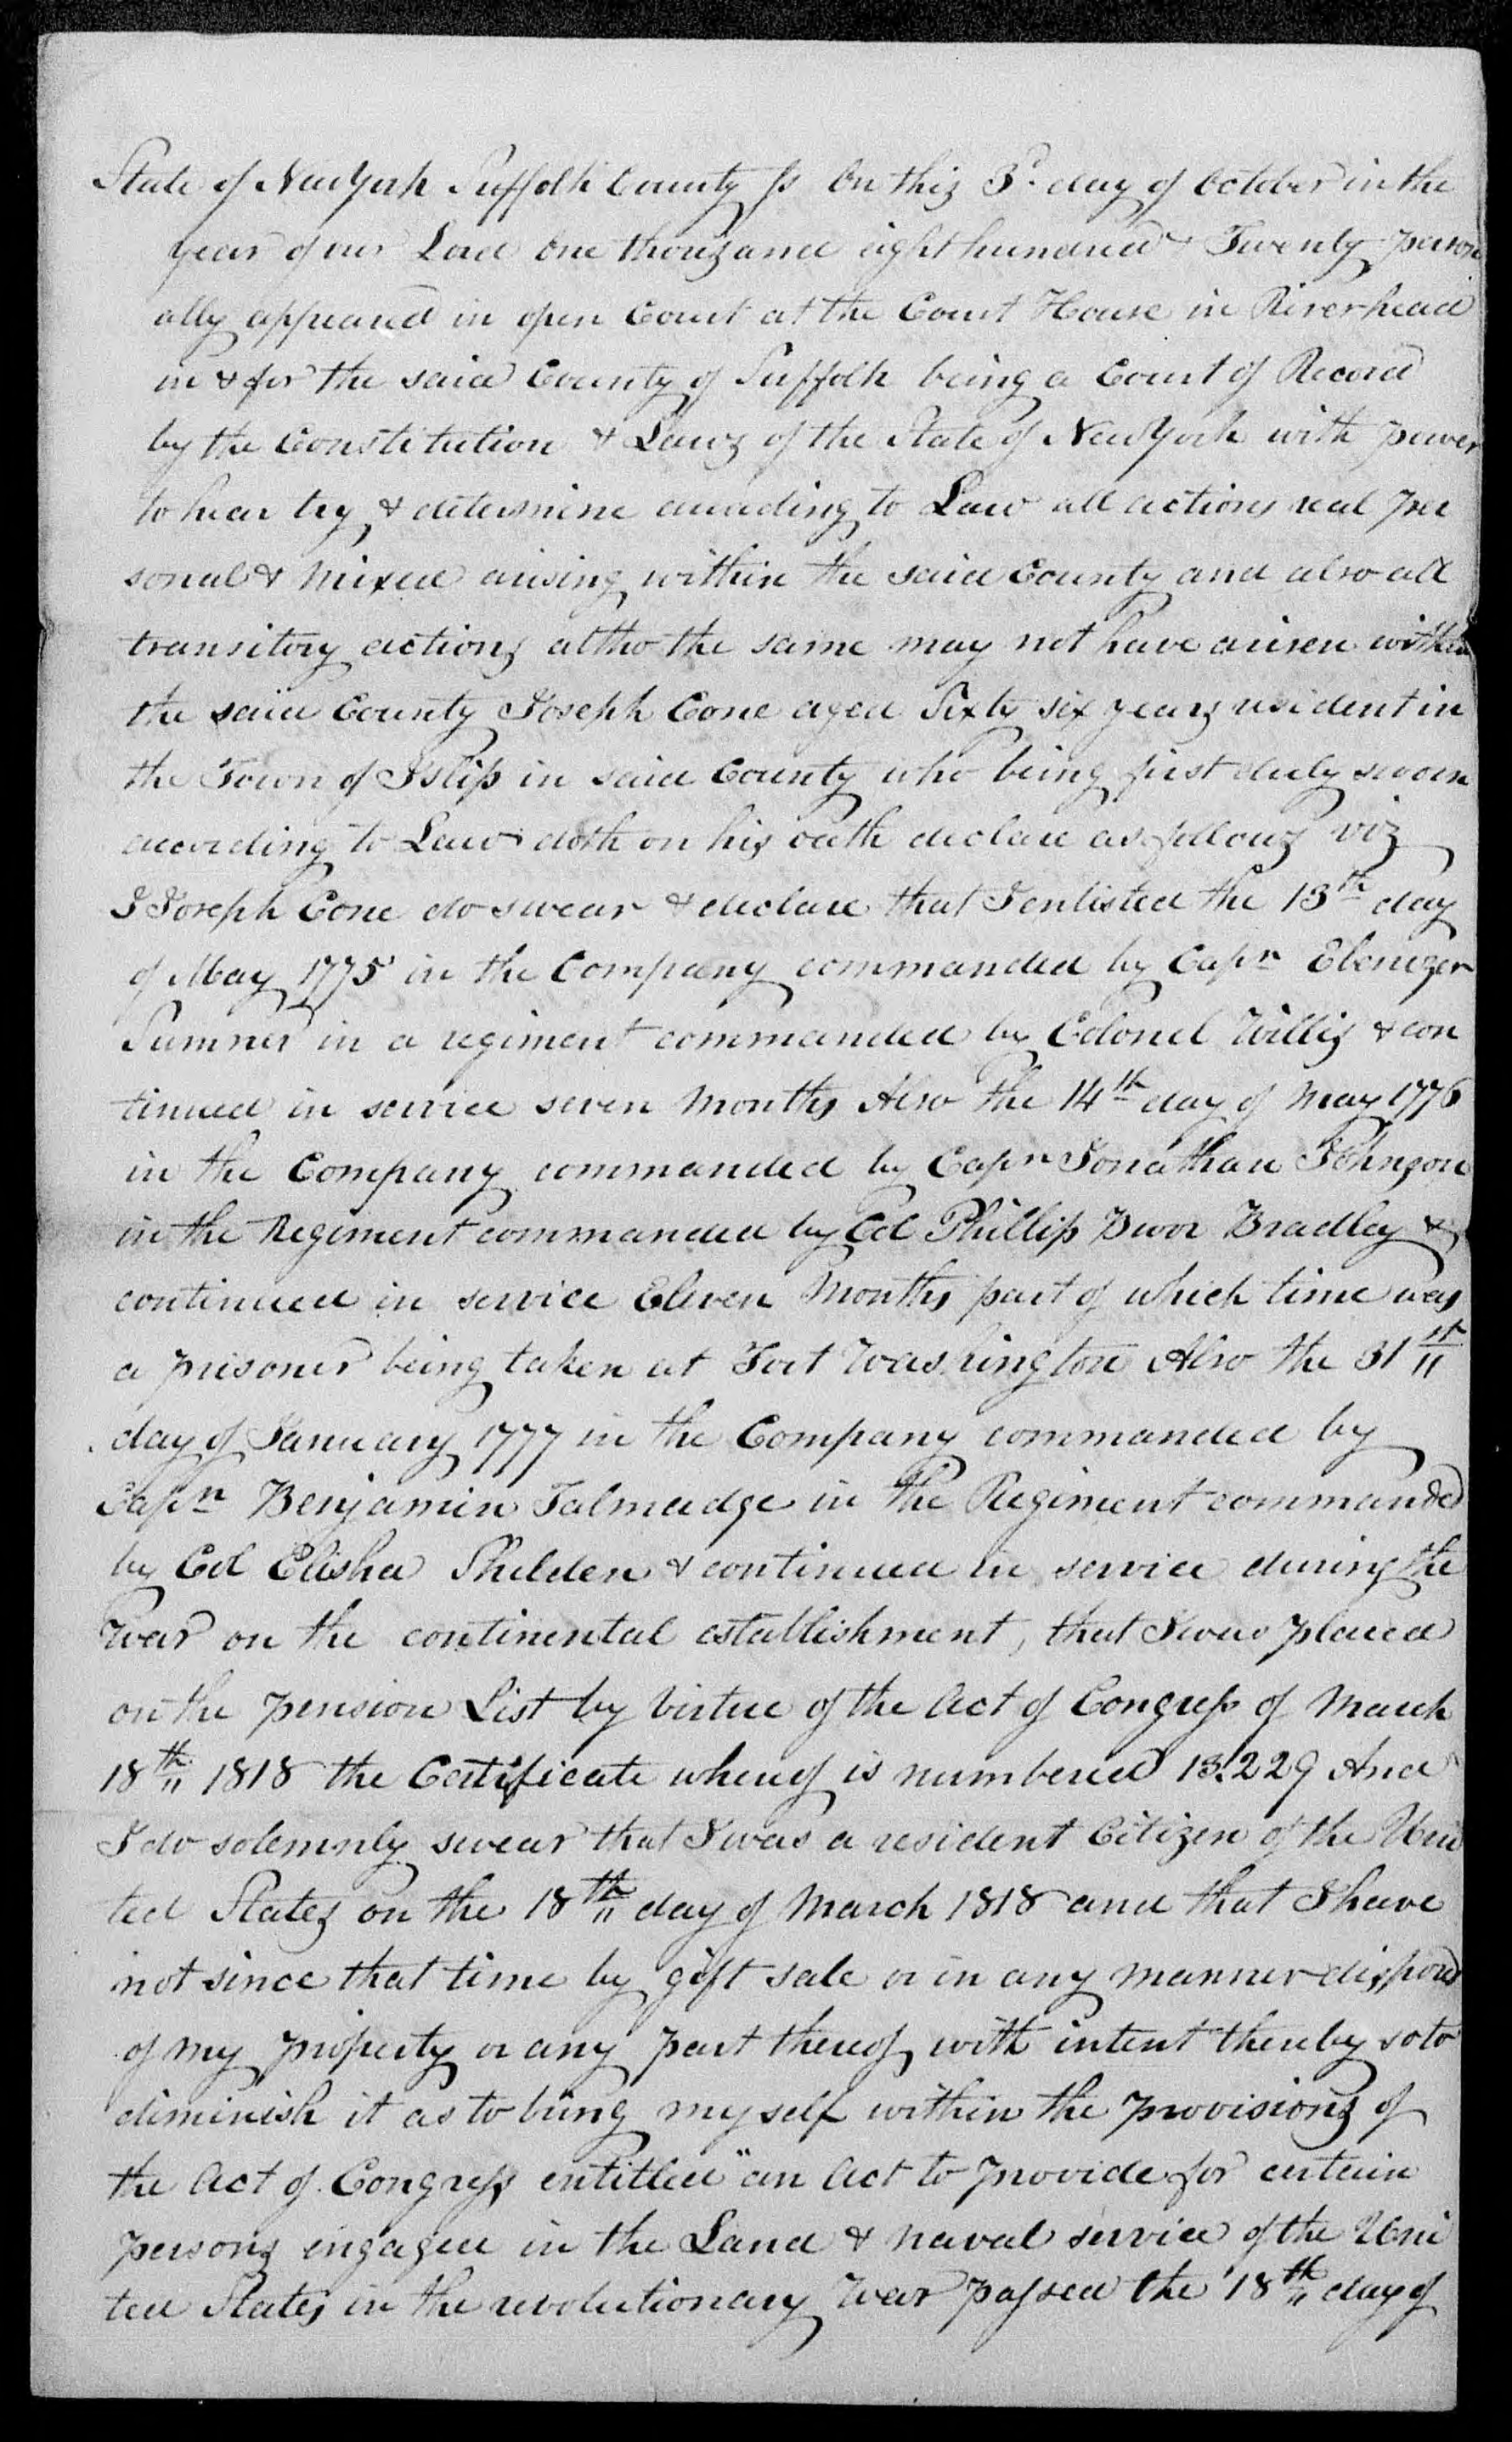State of New York Suffolk County Ss On this 3d. day of October in the year of our Lord one thousand eight hundred & Twenty-7 personally appeared in open Court at the Court House in Riverhead in & for the said County of Suffolk being a Court of Record by the Constitution & Laws of the State of New York with power to hear try, & determine according to Law all actions real personal & mixed arising within the said County and also all transitory actions altho the same may not have arisen within the said County Joseph Cone aged Sixty six years resident in the Town of Islip in said County who being first duly sworn according to Law doth on his oath declare as follows viz
I Joseph Cone do swear & declare that I enlisted the 13th day of May 1775 in the Company commanded by Capn. Ebenezer Sumner in a regiment commanded by Colonel Willis & continued in service seven months Also the 14th day of May 1776 in the Company commanded by Capn. Jonathan Johnson in the Regiment commanded by Col Phillip Burr Bradley & continued in service Eleven months part of which time was a prisoner being taken at Fort Washington Also the 31st day of January 1777 in the Company commanded by Capn Benjamin Talmadge in the Regiment commanded by Col Elisha Sheldon & continued in service during the war on the continental establishment, that I was placed on the pension List by Virtue of the Act of Congress of March 18th 1818 the Certificate whereof is numbered 13,229 And I do solemnly swear that I was a resident Citizen of the United States on the 18th day of March 1818 and that I have not since that time by gift sale or in any manner disposed of my property or any part thereof with intent thereby so to diminish it as to bring my self within the provisions of the Act of Congress entitled "an Act to provide for certain persons engaged in the Land & naval service of the United States in the Revolutionary War passed the 18th day of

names: Joseph Cone, Joseph Cone, Benjamin Talmadge, Elisha Shelden, Willis, Phillip Burr Bradley, Jonathan Johnson, Ebenezer Sumner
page: 8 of 28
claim: survivor's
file: S. 12569, Joseph Cone, Conn Continental